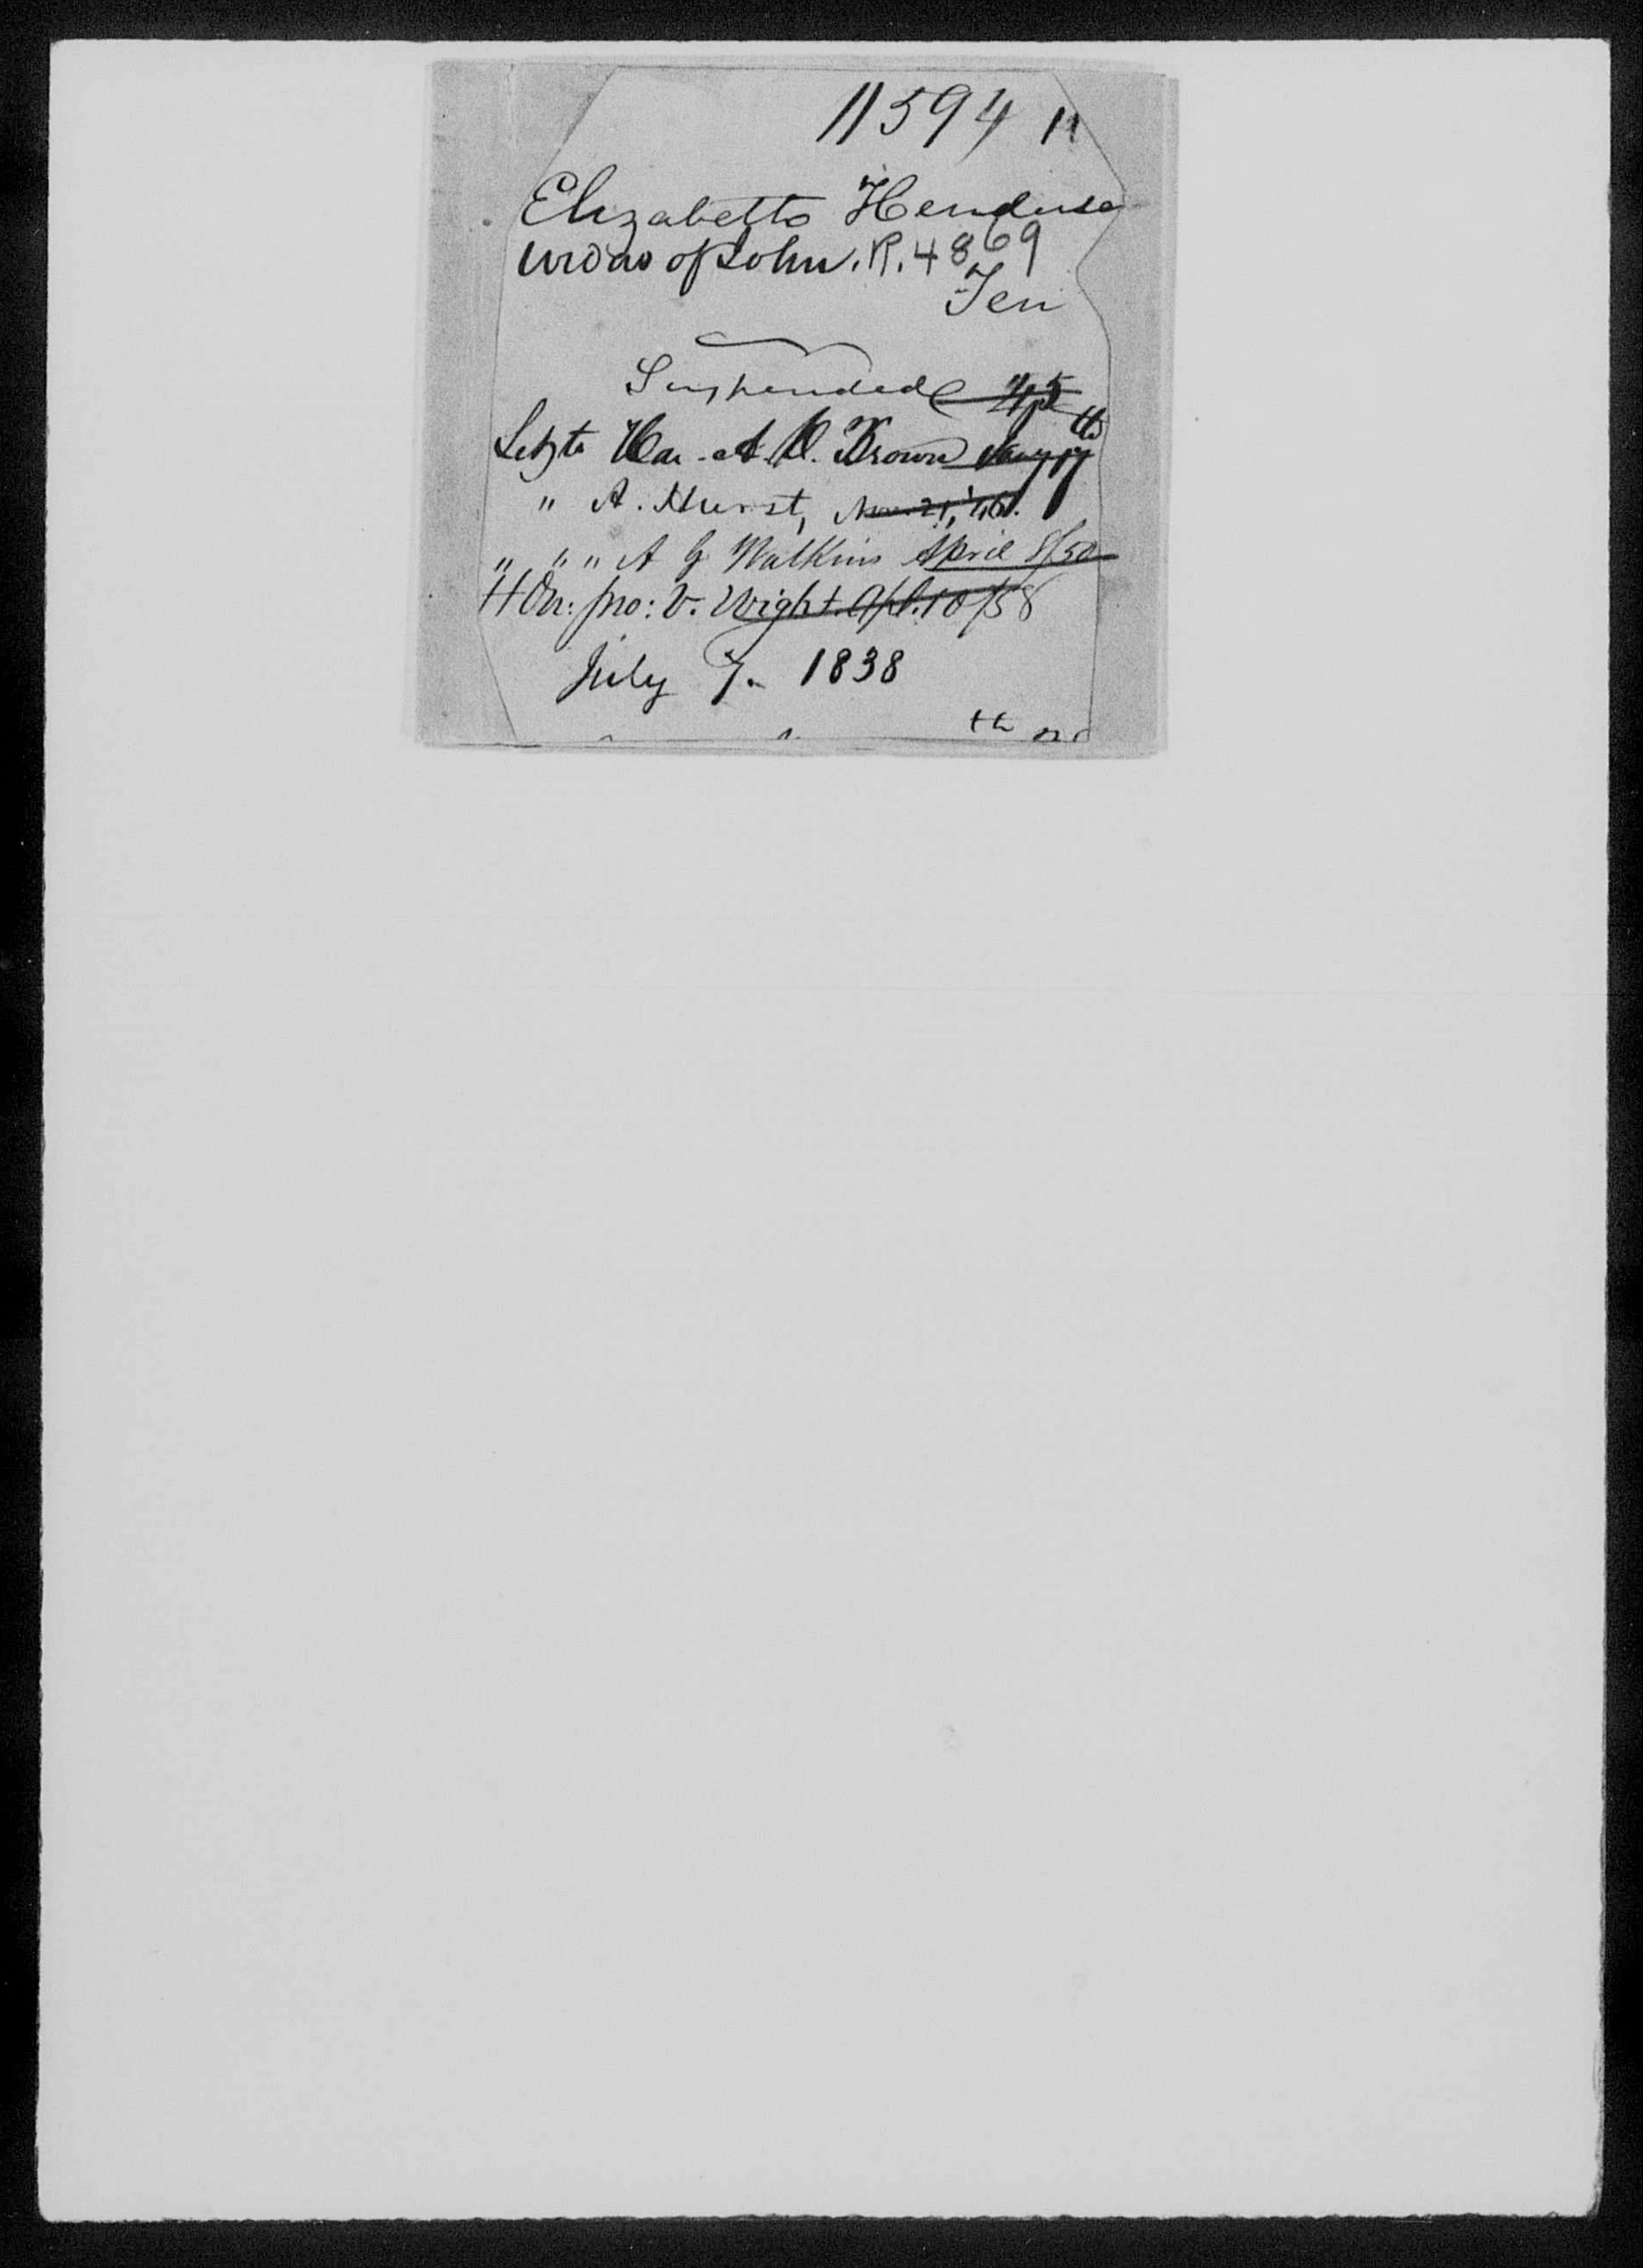[scrape of paper, text which has been struck out will not be transcribed]

11594    11
Elizabeth Henderson
widow of John R. 4869
Ten
----

Suspended
Let to S Car. A. D. Brown
  "          A. Hurst, ┃
  "      "  "  A G Walkins April 8/50
Hon. Jno. V. Wight 
July 7 1838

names: A D Brown, John Henderson, A G Watkins, A Hurst, Jno V Wight, Elizabeth Henderson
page: 17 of 40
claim: rejected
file: R. 4,869, John Henderson, S.C.